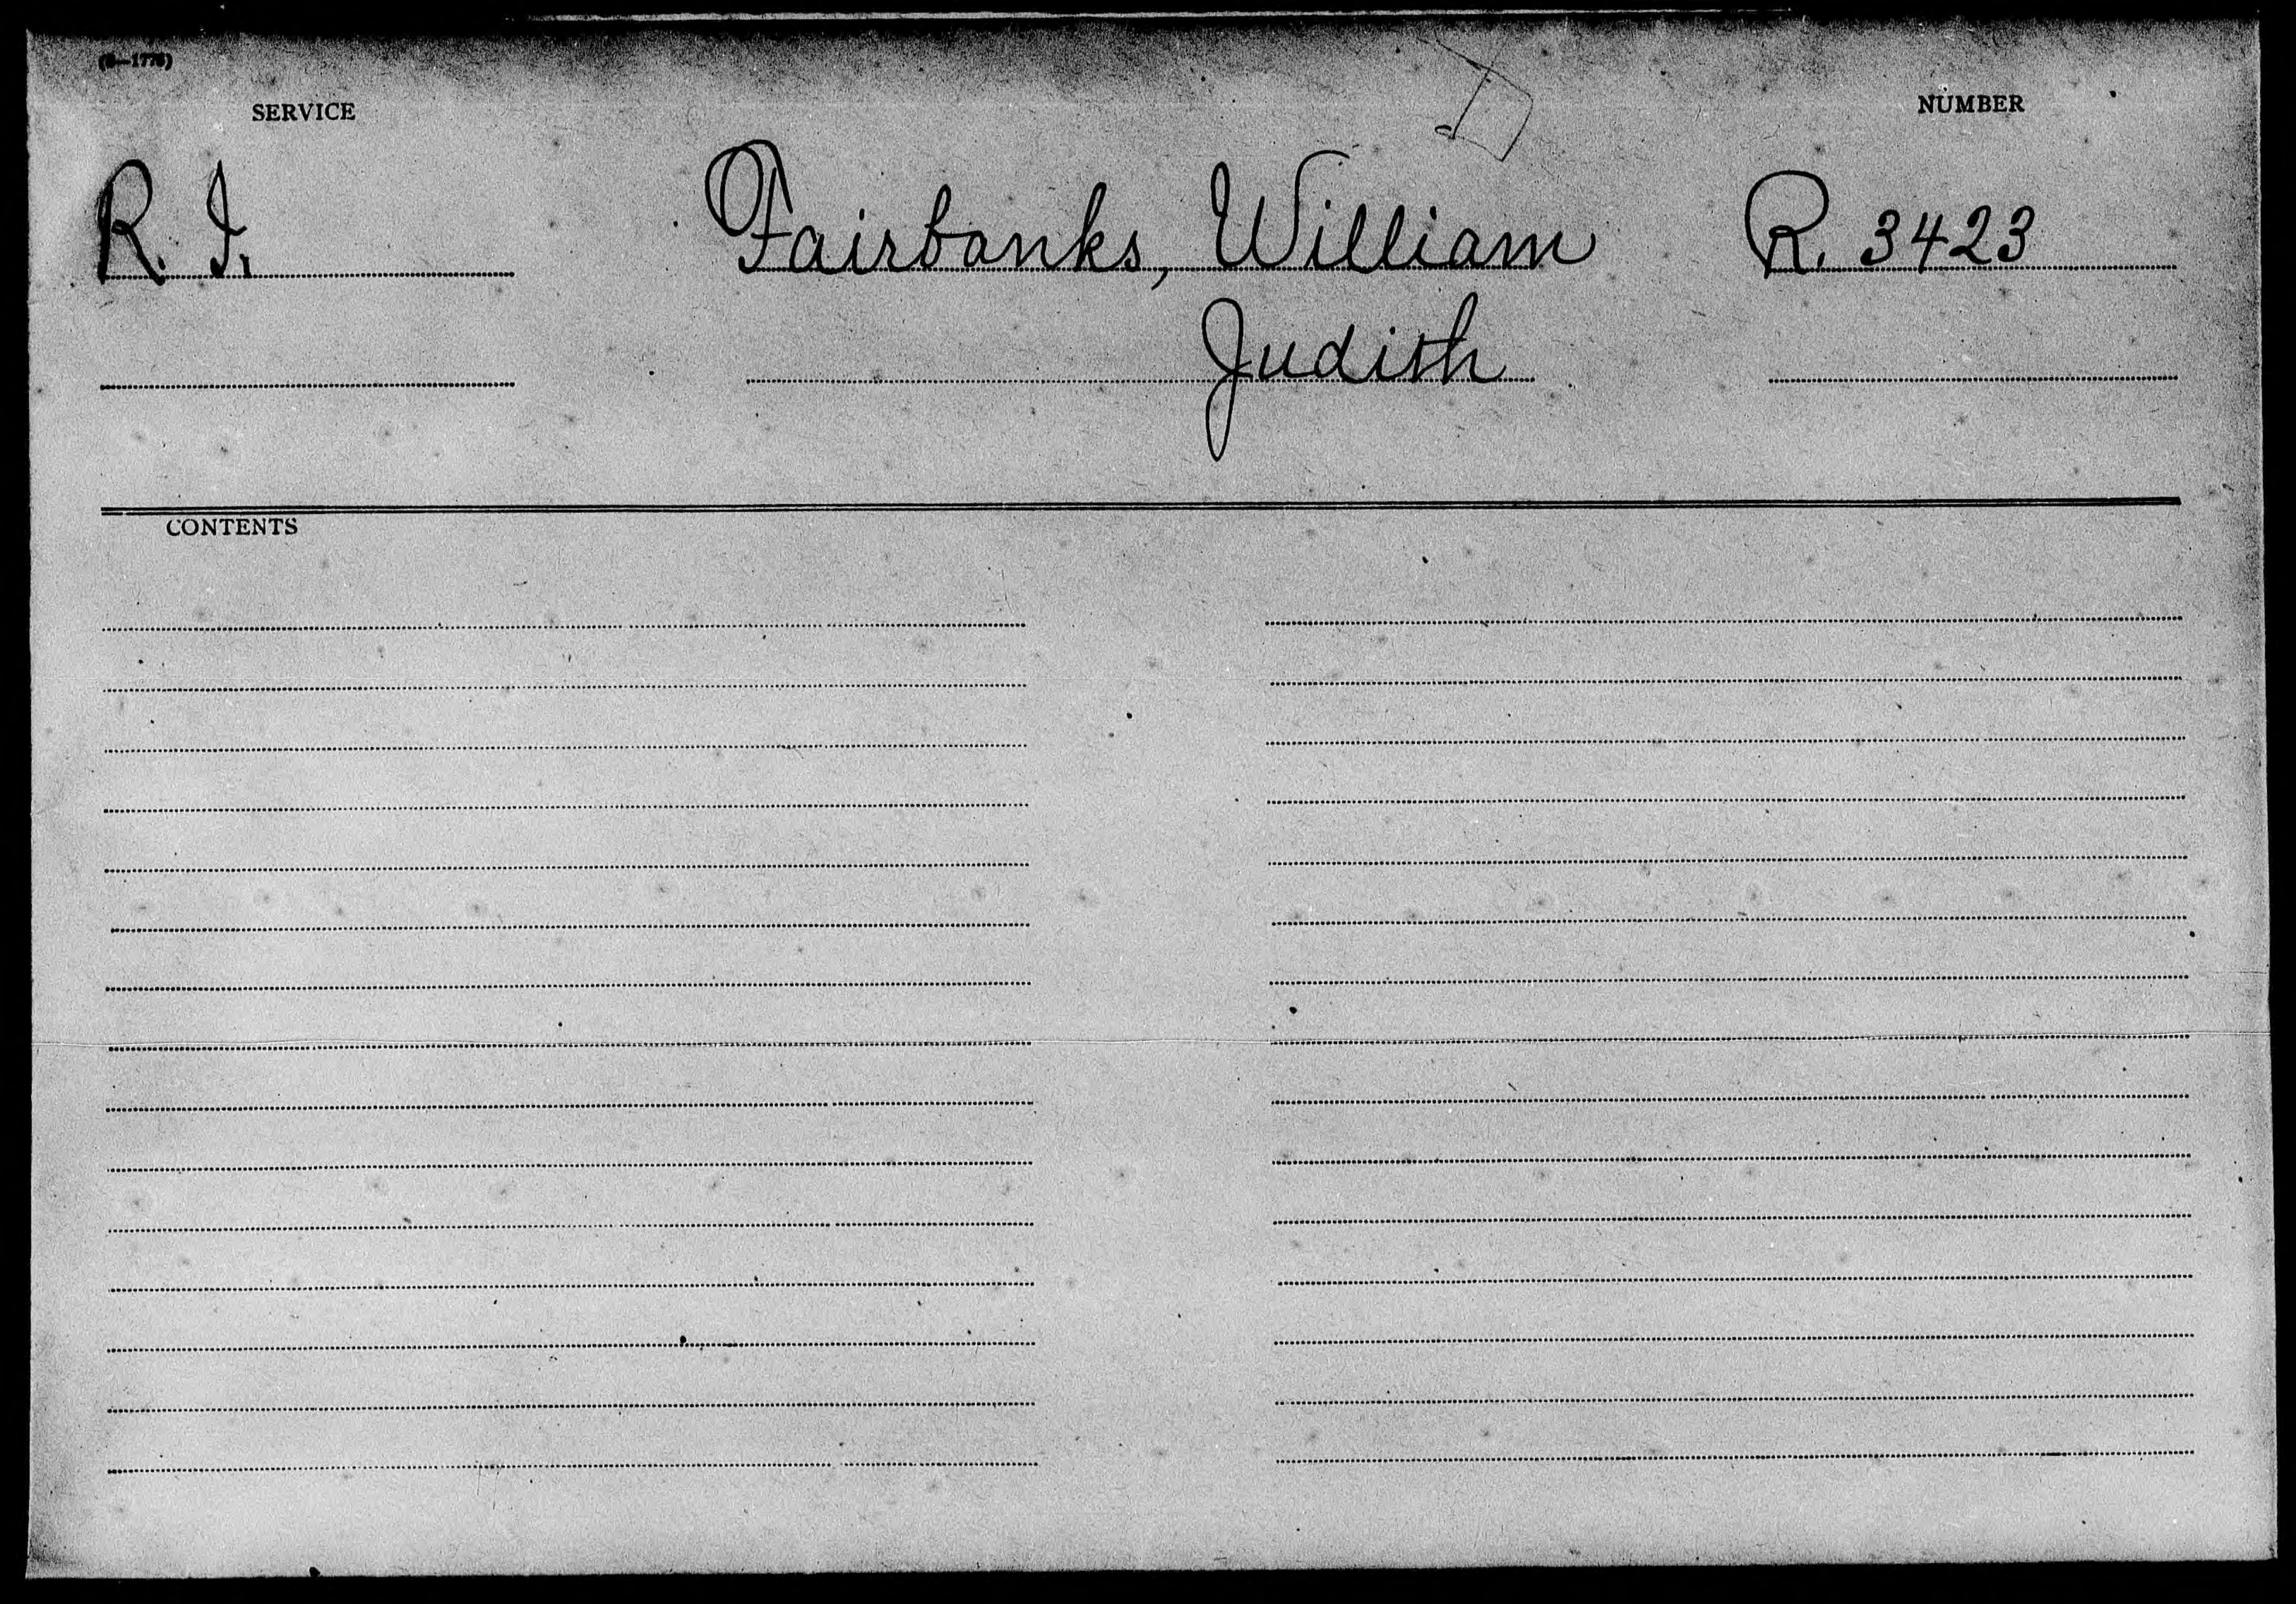(9-1776)
SERVICE
R.I. Fairbanks, William
Judith
NUMBER
R.3423
CONTENTS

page: 1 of 17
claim: rejected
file: R. 3423, William Fairbanks, R.I.